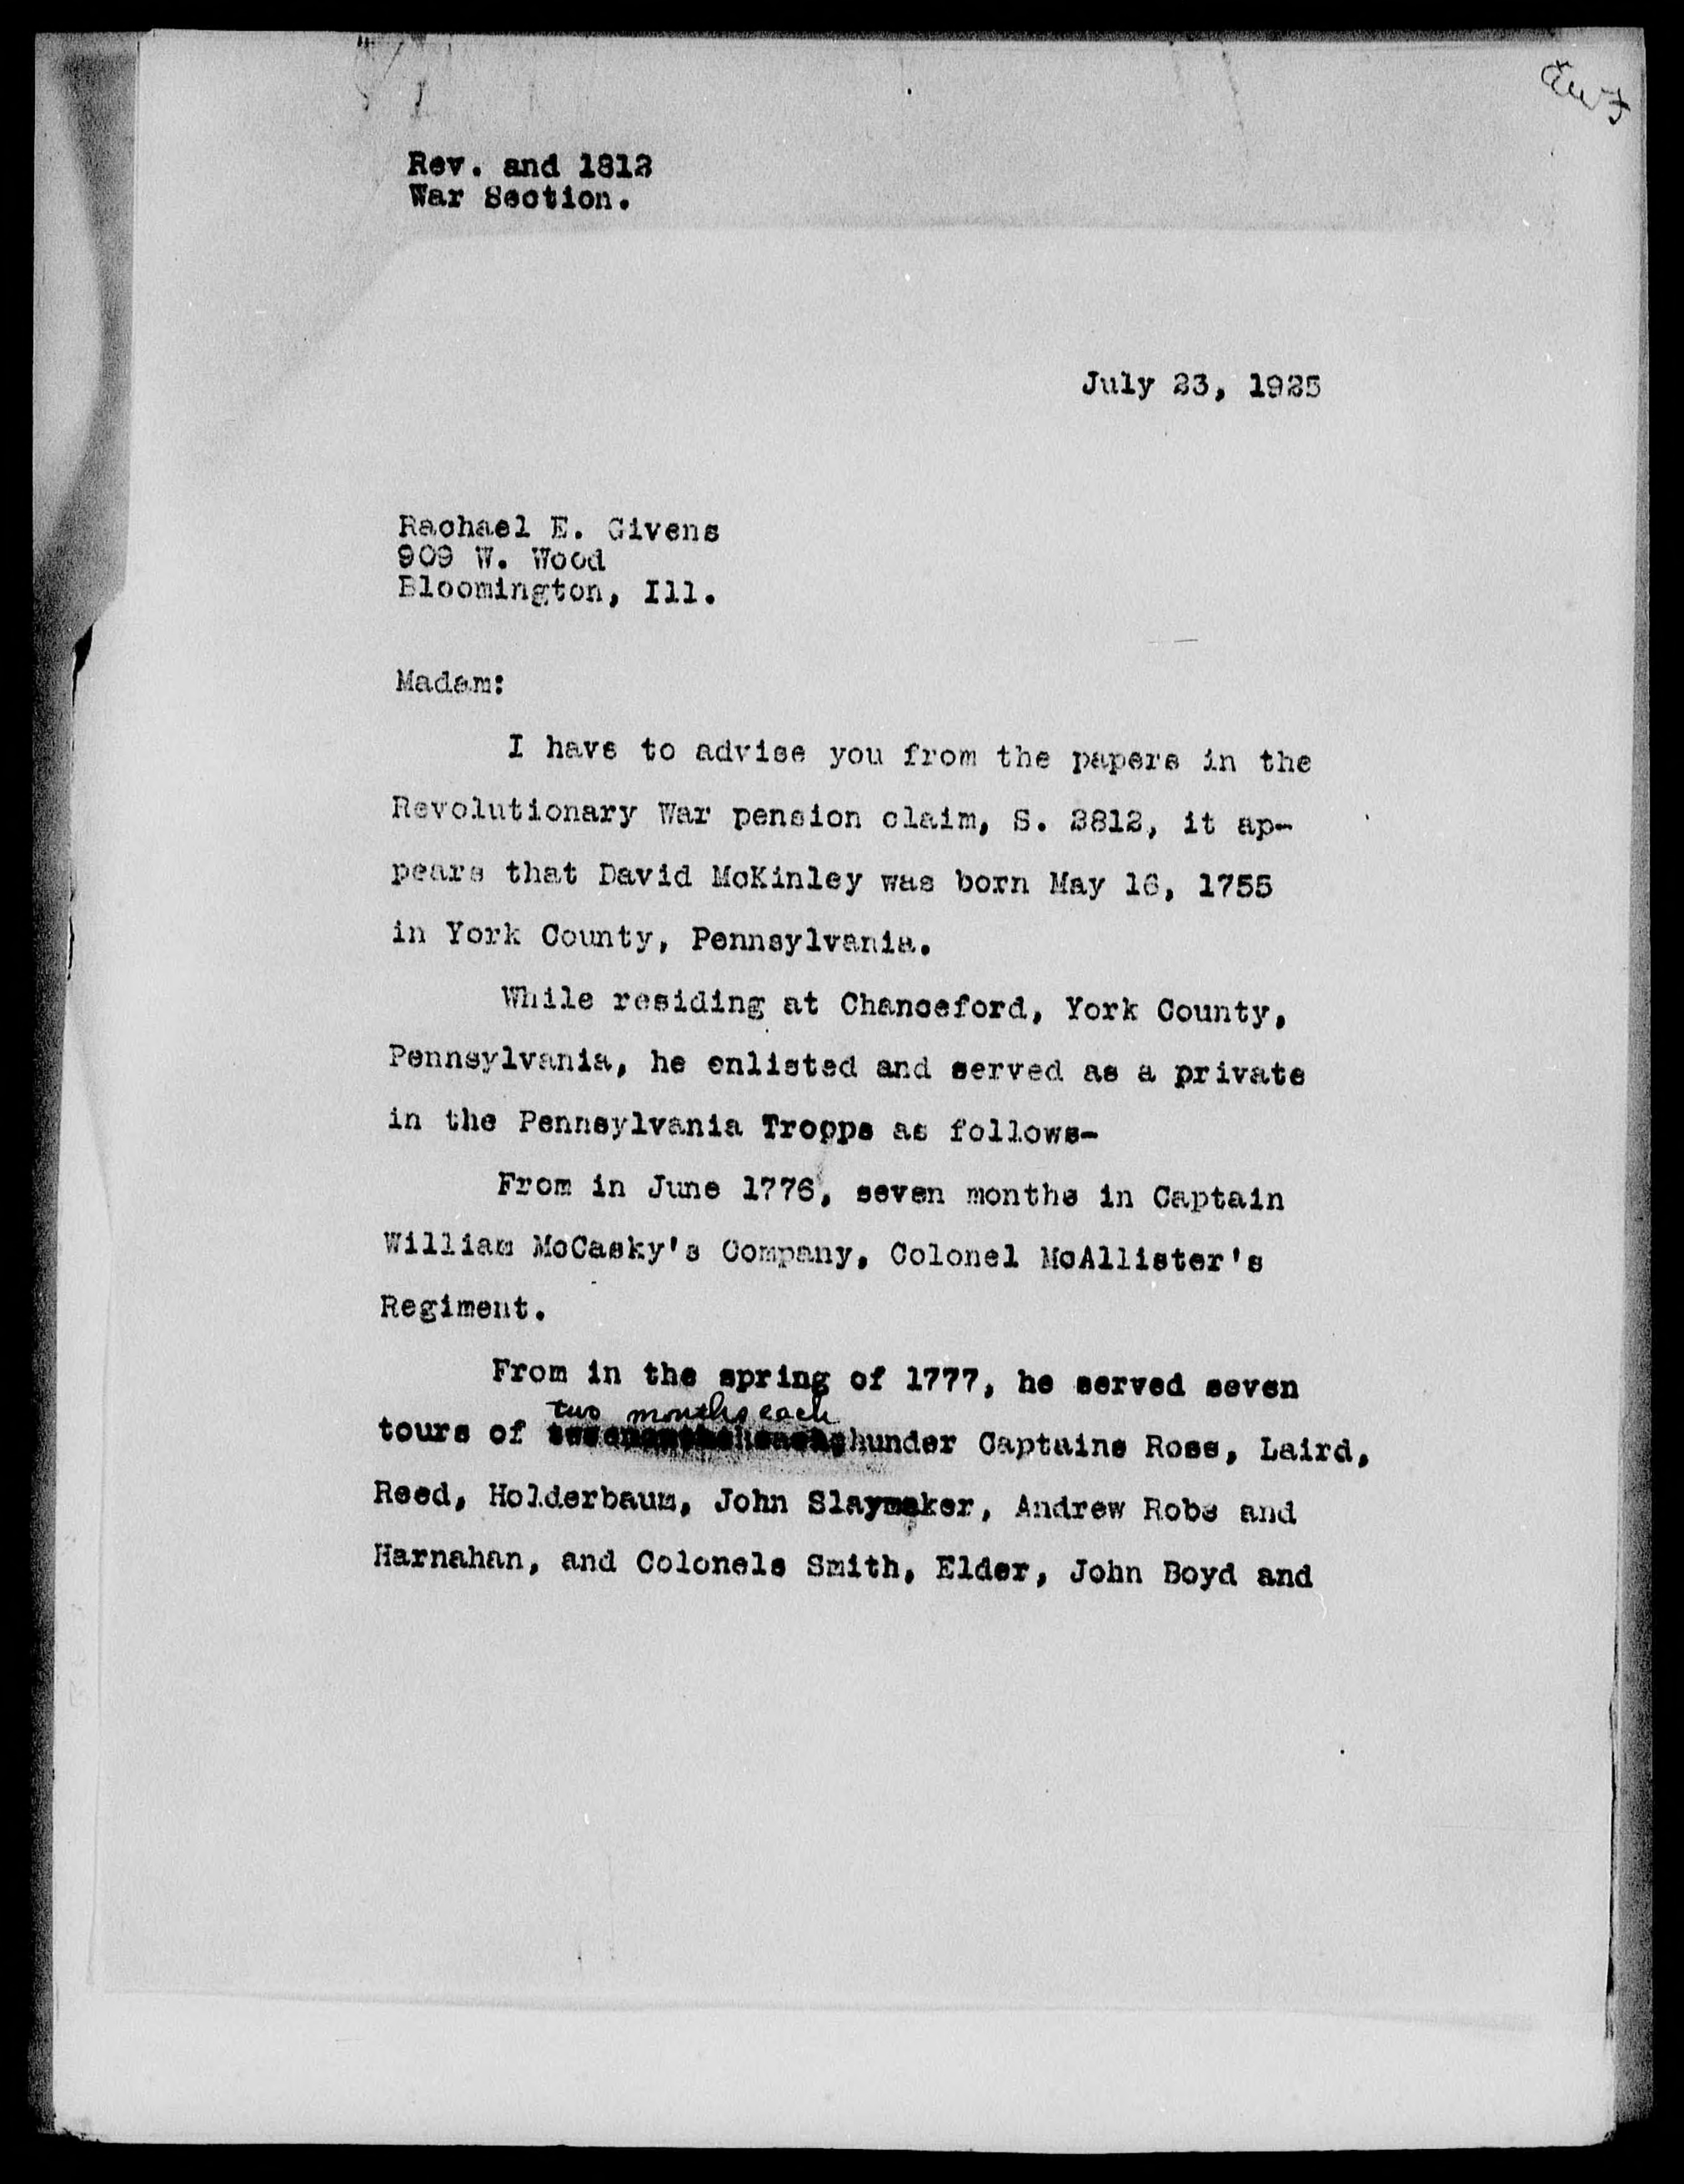Rev. and 1812
War Section.

July 23, 1925

Rachael E. Givens
909 W. Wood
Bloomington, Ill.

Madam:

I have to advise you from the papers in the
Revolutionary War pension claim, S. 3812, it appears
that David McKinley was born May 16, 1755
in York County, Pennsylvania.
While residing at Chanceford, York County,
Pennsylvania, he enlisted and served as a private
in the Pennsylvania Troops as follows-
From in June 1776, seven months in Captain
William McCasky's Company, Colonel McAllister's
Regiment.
From in the spring of 1777, he served seven
tours of [handwritten correction] two months each under Captains Ross, Laird,
Reed, Holderbaum, John Slaymaker, Andrew Robe and
Harnahan, and Colonels Smith, Elder, John Boyd and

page: 38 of 39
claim: survivor's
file: S. 2812, for David Mc Kinley, Pennsylvania